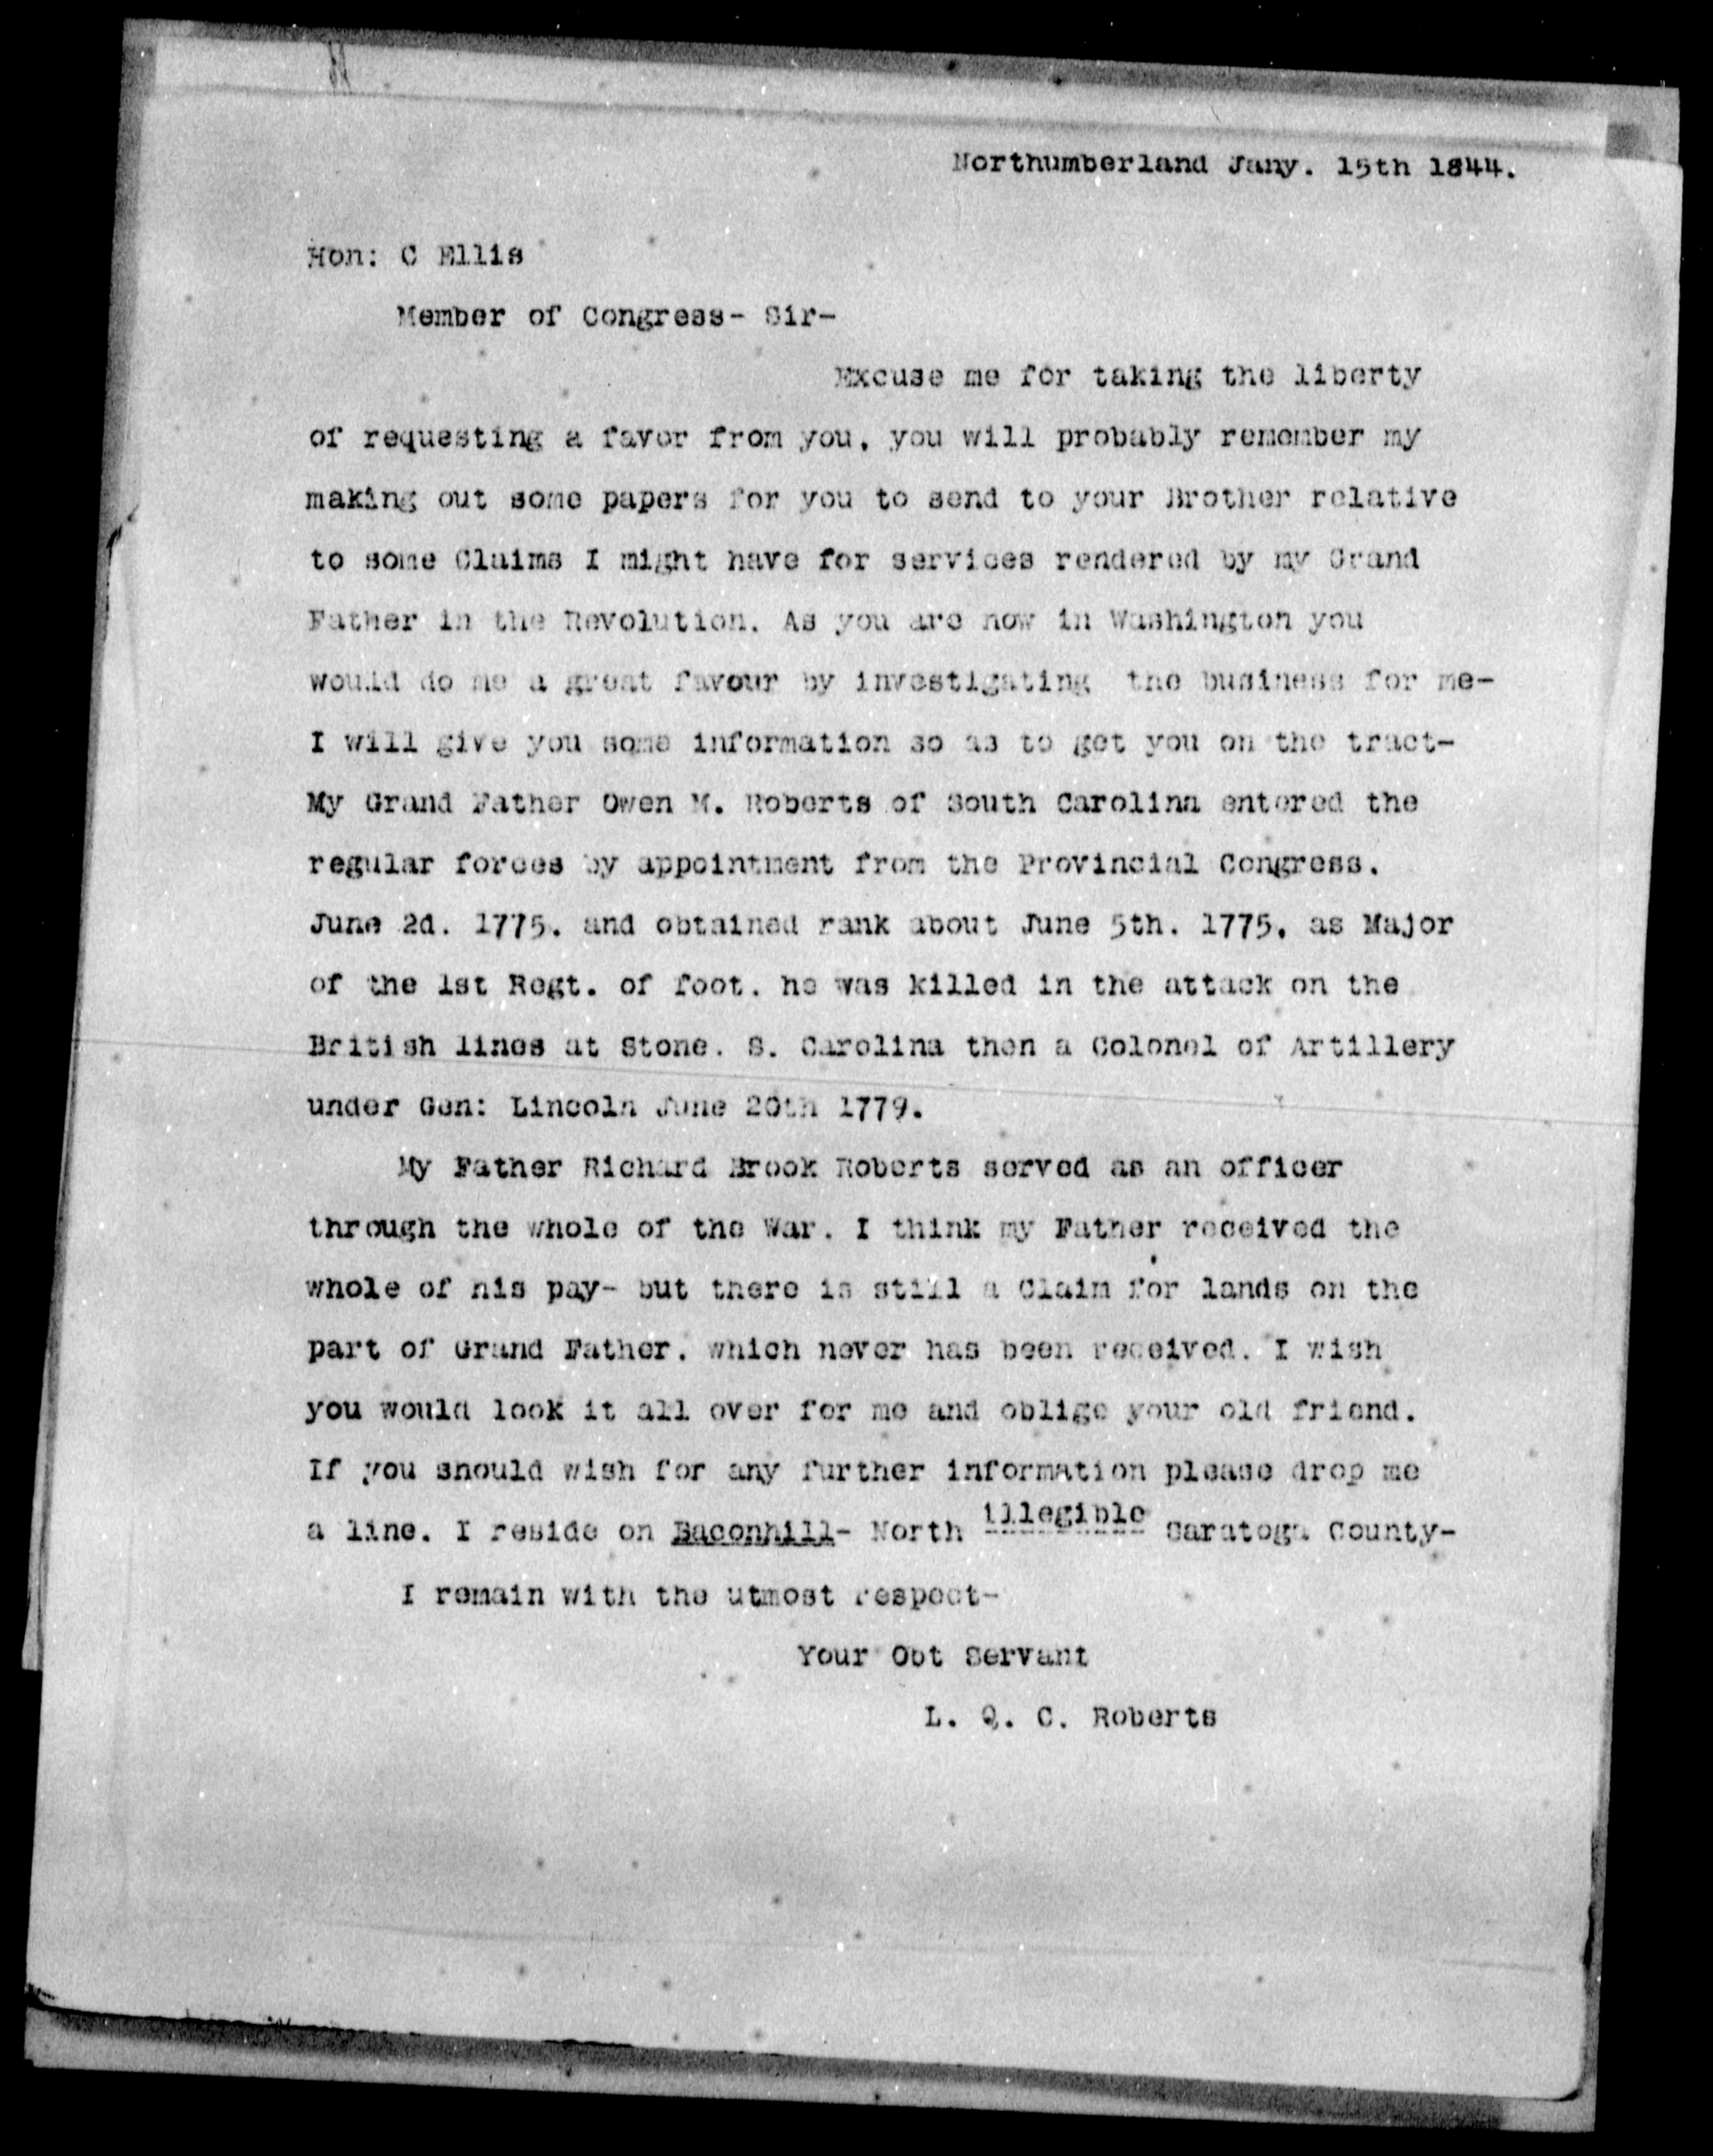Northumberland Jany. 15th 1844.
Hon: C Ellis
Member of Congress - Sir-

Excuse me for taking the liberty of requesting a favor from you, you will probably remember my making out some papers for you to send to your Brother relative to some claims I might have for services rendered by my Grand Father in the Revolution. As you are now in Washington you would do me a great favour by investigating the business for me- I will give you some information so as to get you on the tract- My Grand Father Owen M. Roberts of South Carolina entered the regular forced by appointment from the Provincial Congress, June 2d, 1775, and obtained rank about June 5th. 1775, as Major of the 1st Regt. of foot. he was killed in the attack on the British lines at Stone [sic Stono] S. Carolina then a Colonel of Artillery under Gen: Lincoln June 20th 1779.
My Father Richard Brook Roberts served as an officer through the whole of the War. I think my FAther received the whole of his pay- but there is still a claim for lands on the part of Grand Father, which never has been received. I wish you would look it all over for me and oblige your old friend. If you should wish for any further information please drop me a line. I reside on Baconhill- North illegible Saratoga County-
I remain with the utmost respect-
Your Obt Servant
L. Q. C. Roberts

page: 17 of 59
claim: bounty land warrant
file: B.L.Wt. 2359-500, for Owen Roberts, South Carolina